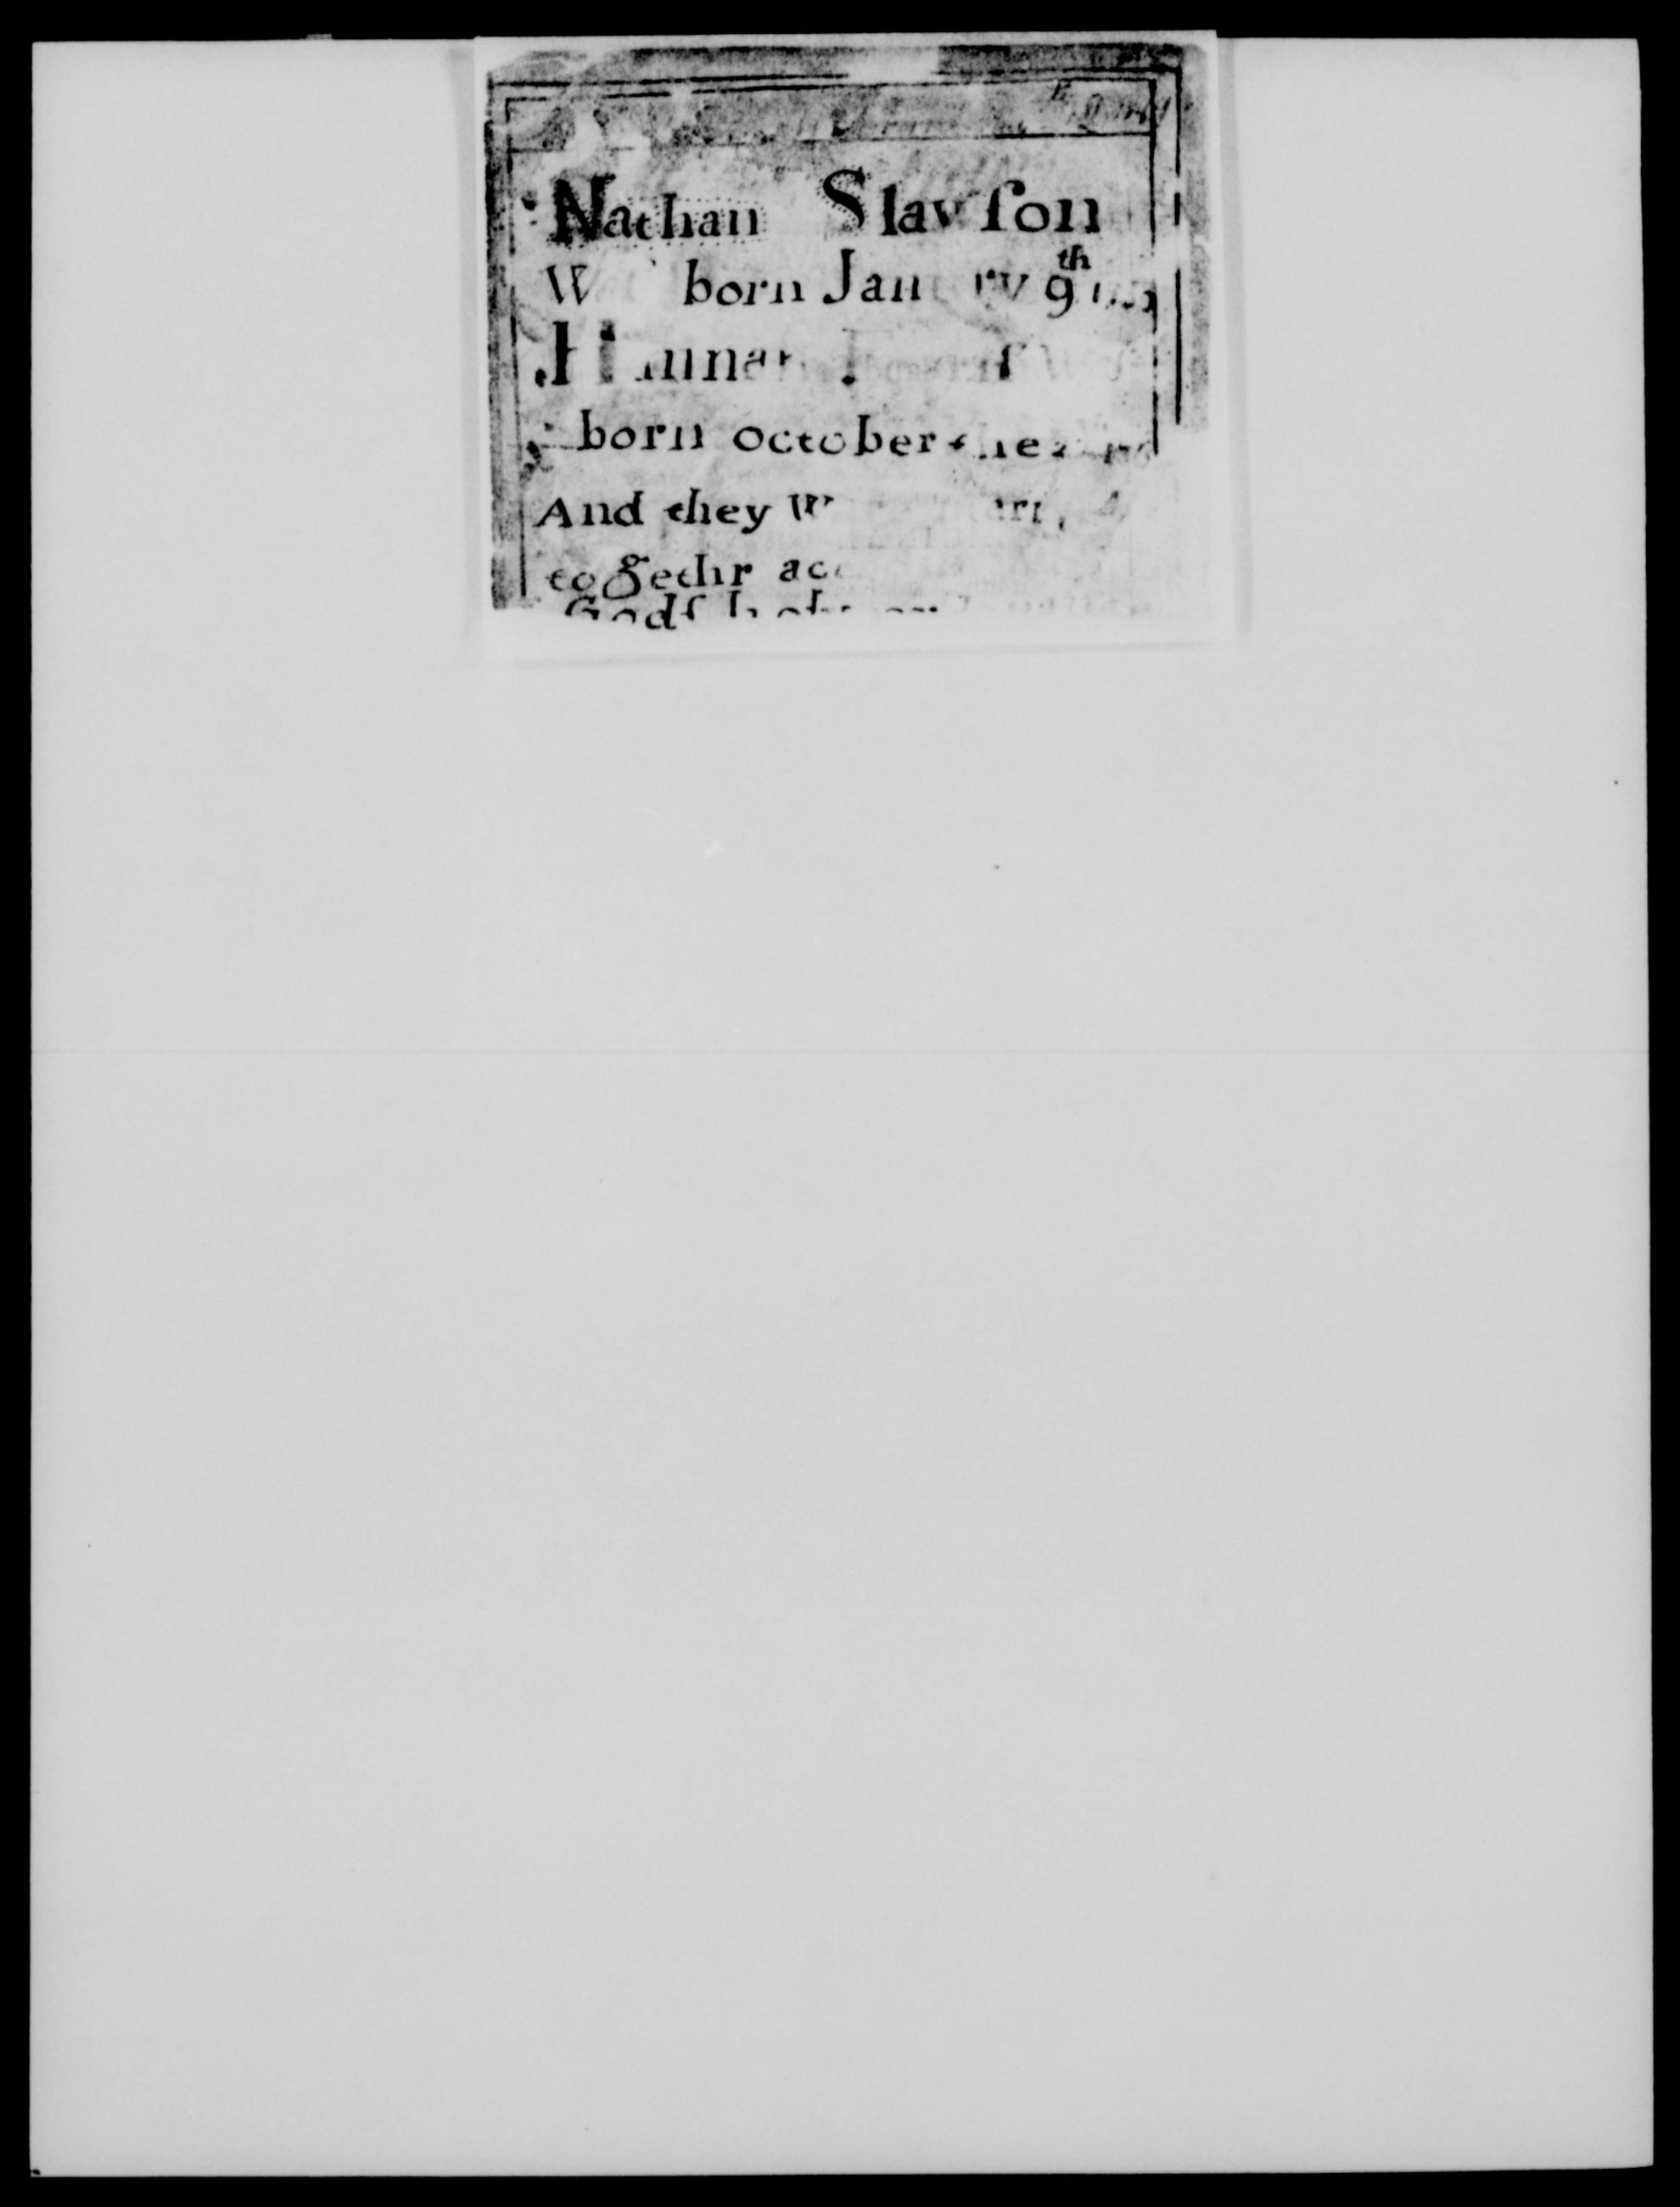Nathan Slawson was born Jan. 9th 1753 
Hannah Ferris was Born October the 22nd  
And they Were Married together according to [unreadable] God [unreadable]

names: Hannah Ferris; Nathan Slauson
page: 12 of 87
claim: widow's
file: W. 22,226, for Nathan Slawson, Connecticut